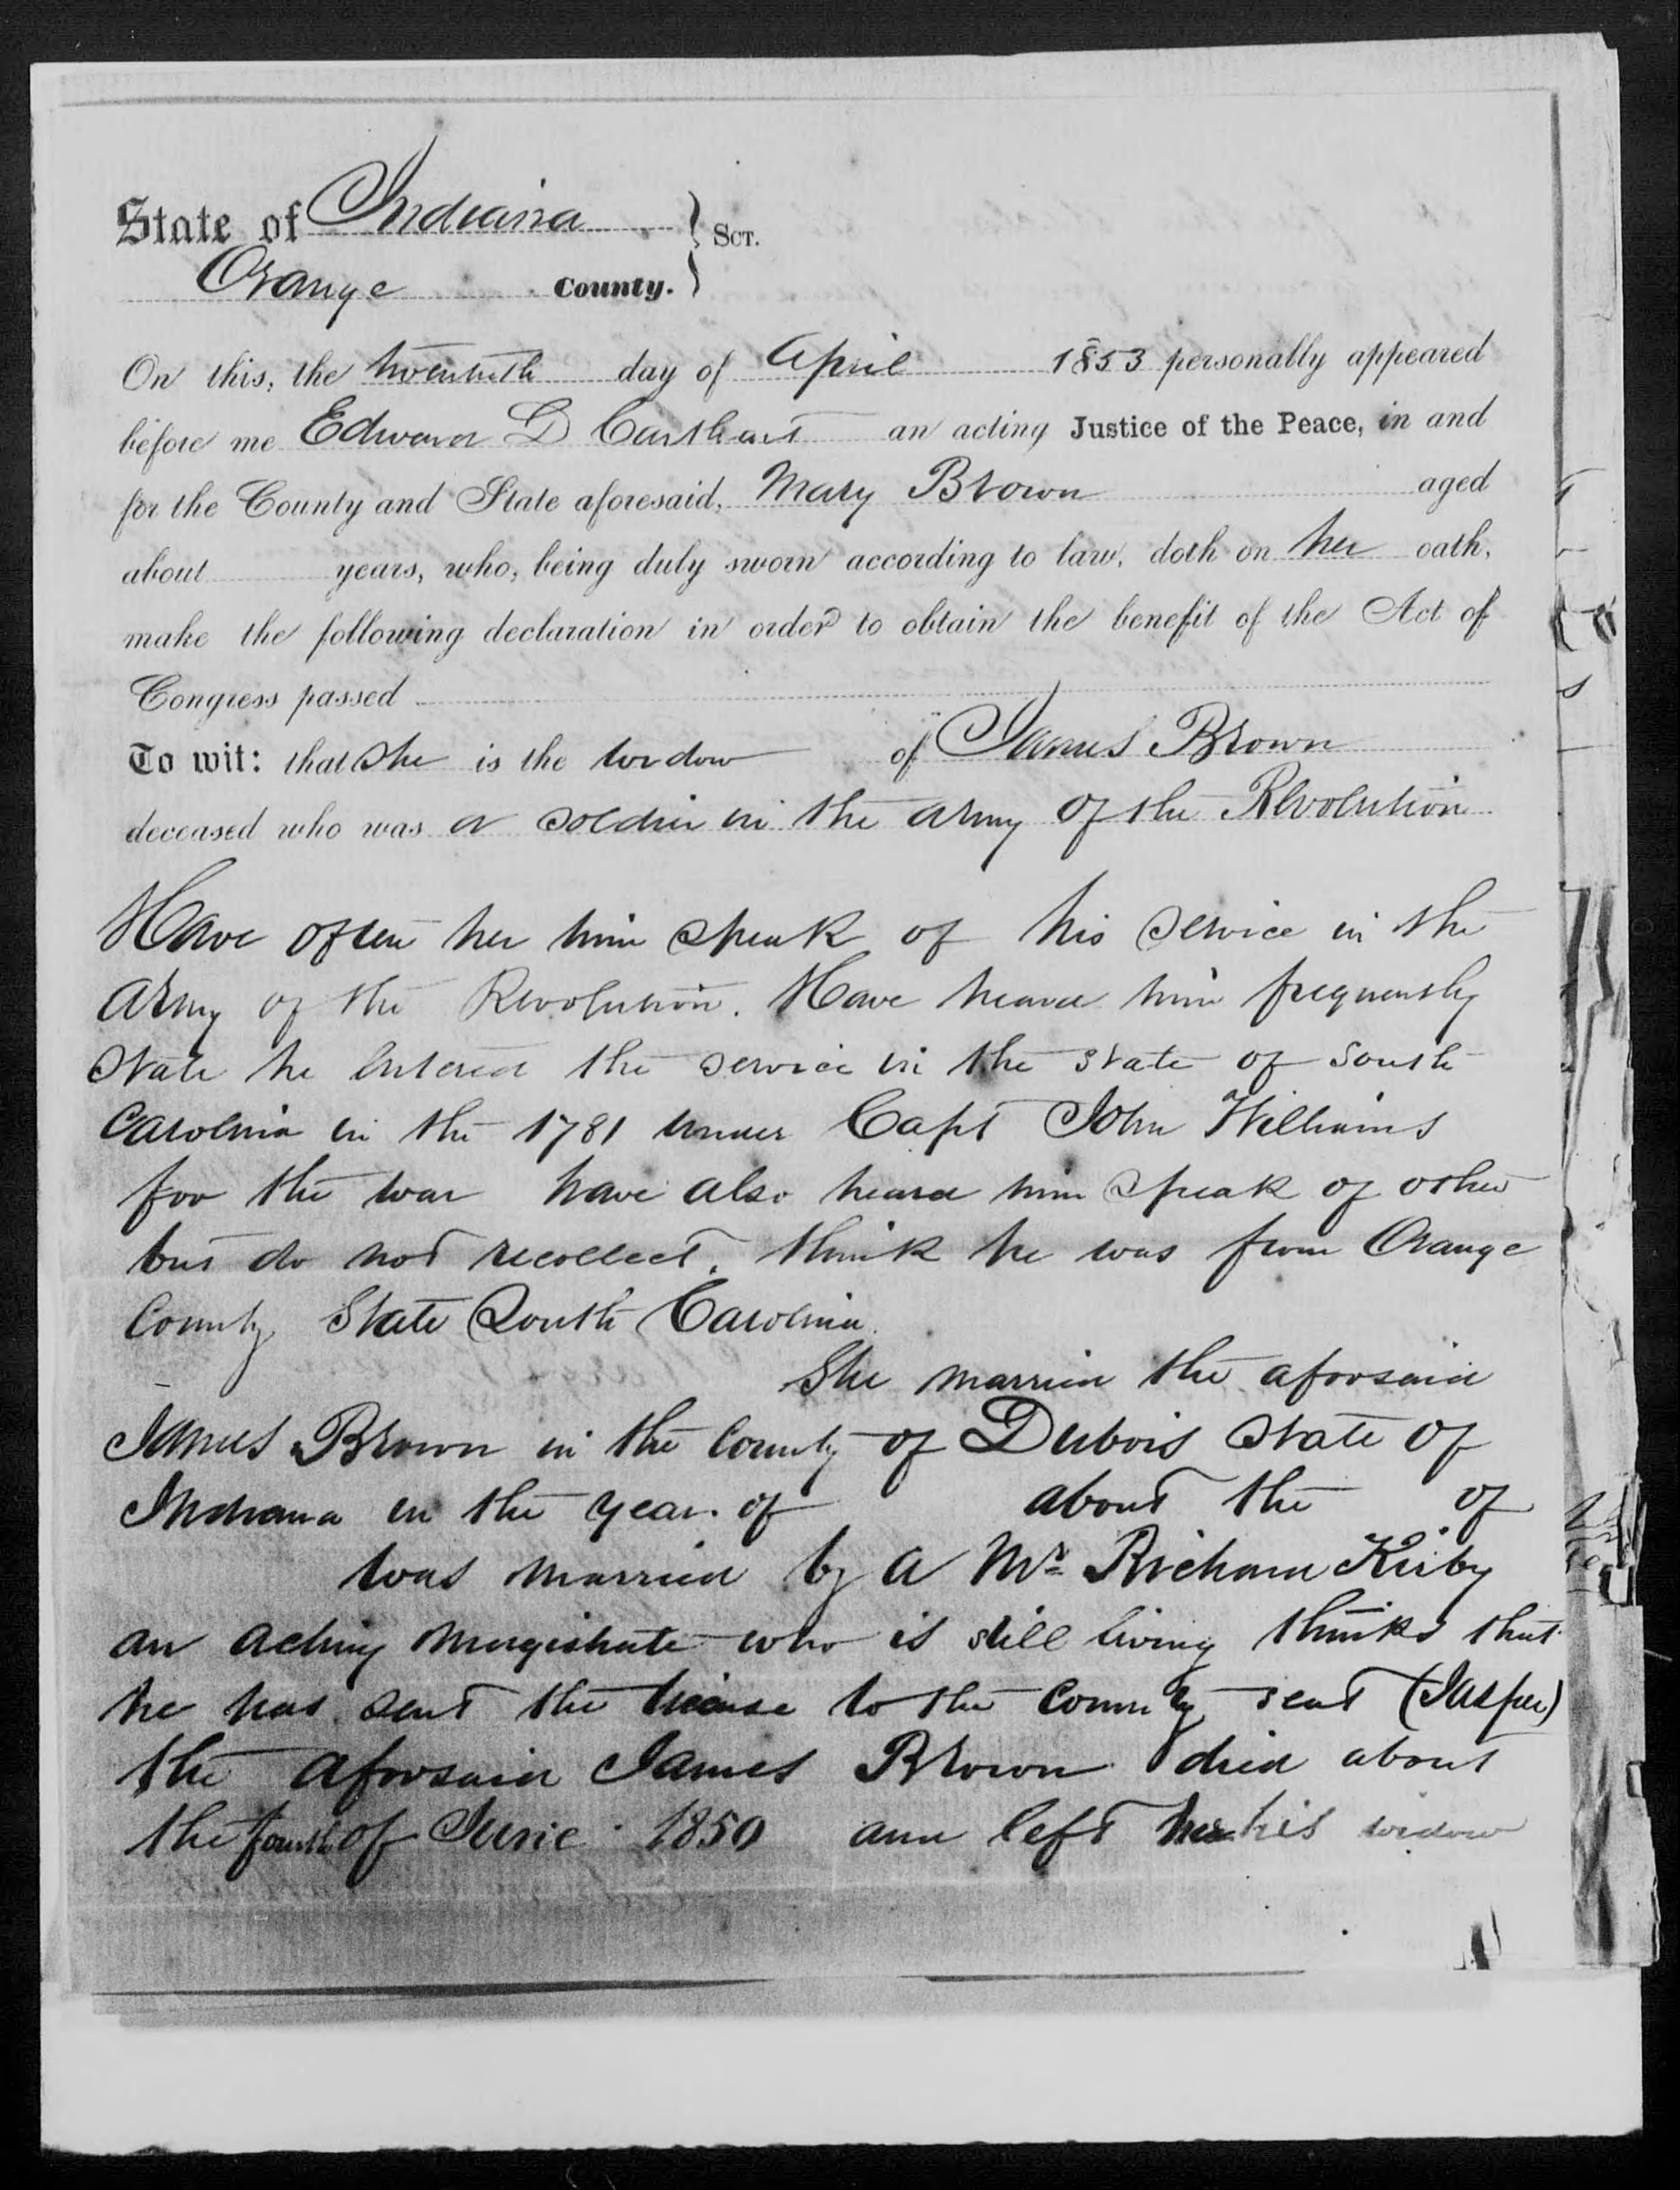State of Indiana Orange County.
On this the twentieth day of April
1853 personally appeared
before me Edward D Carthart an acting Justice of the Peace, in and
for the County and State aforesaid, Mary Brown aged about _ years, who, being duly sworn according to law, doth on her oath, make the following declaration in order to obtain the benefit of the Act of Congress passed _ to wit: that she is the widow of James Brown deceased who was a soldier in the army of the Revolution
have often heard him speak of his service in the Army of the Revolution. Have heard him frequently State he entered the service in the State of South Carolina in the 1781 under Capt John Williams for the war. have also heard him speak of others
but do not recollect, think he was from Orange County State South Carolina. She married the aforesaid
James Brown in the County of Dubois State of Indiana in the year of _
about the _ of _. was married by a Mr Richard Kirby an acting magistrate who is still living thinks that he has sent the [illegible] to the County seat (Jasper) the aforesaid James Brown died about the fourth of June 1850
and left his widow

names: Edward D Curthart, James Brown, John Williams, James Brown, James S Brown, Richard Kirby, Mary Brown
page: 20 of 41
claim: rejected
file: R. 1309, James Brown, S.C.